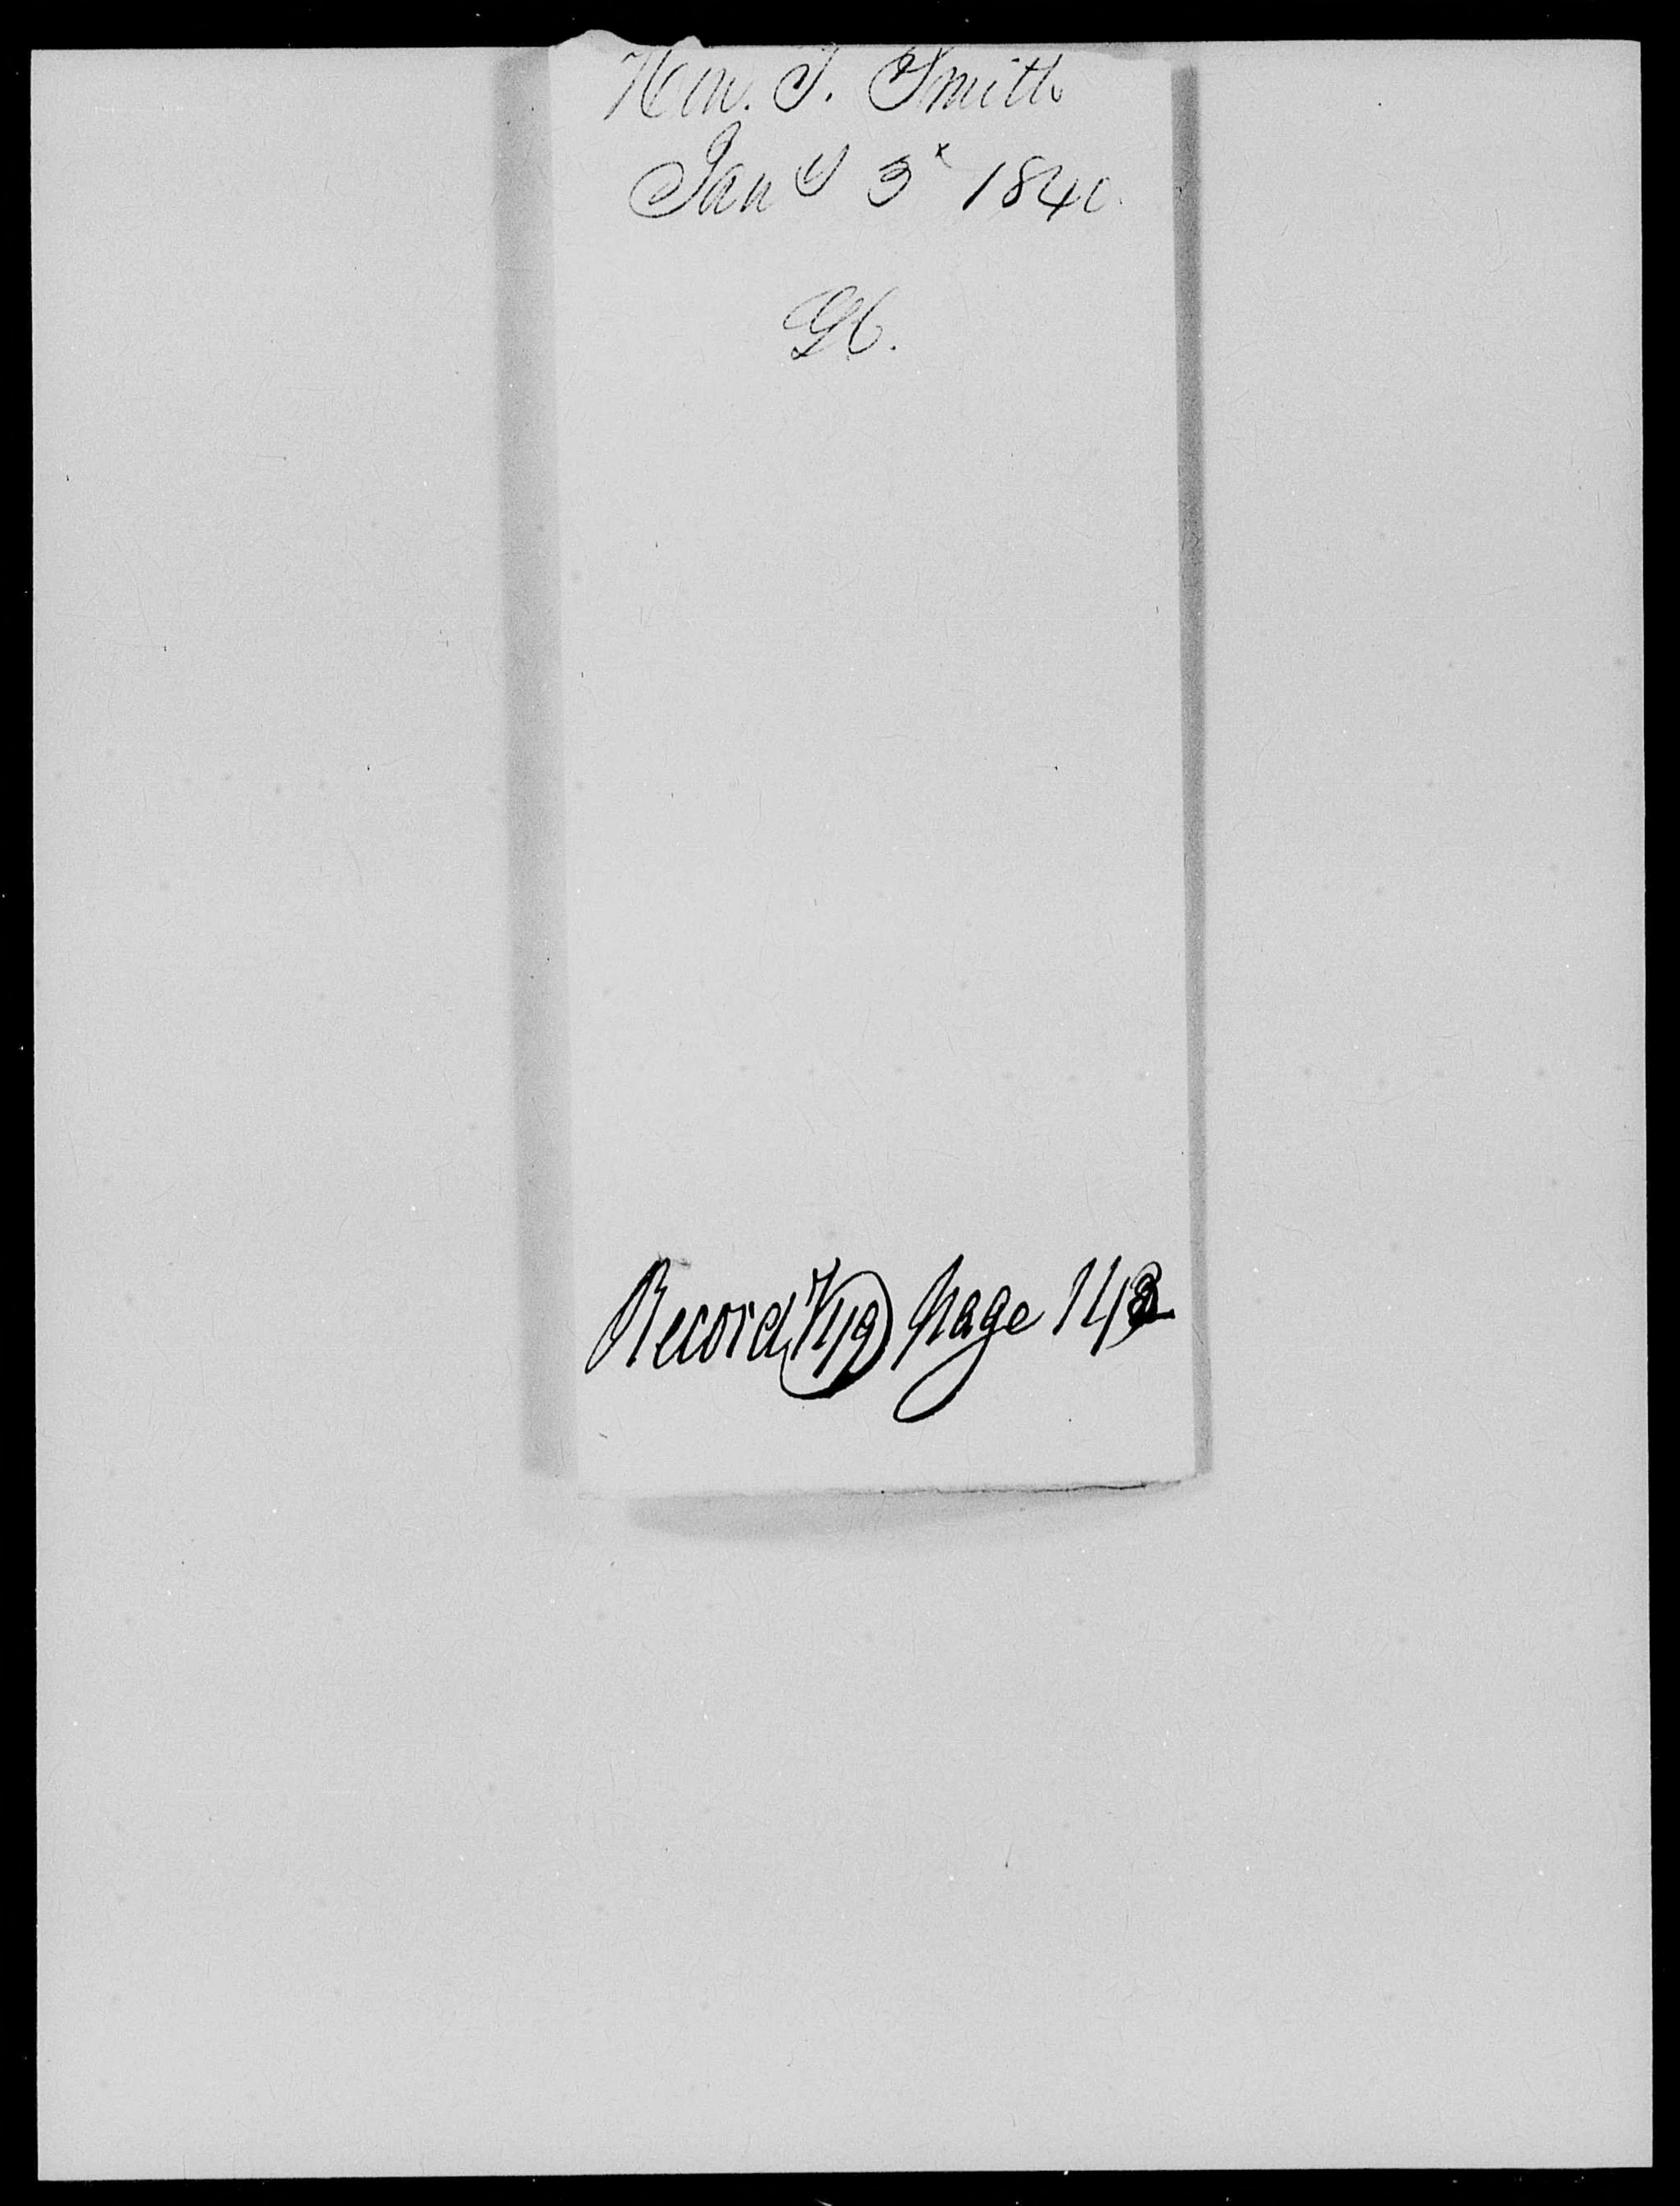Hon. T. Smith
Jany 3 1840

G.C.



Record [illegible] Page 14[illegible]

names: T Smith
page: 29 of 38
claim: survivor's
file: S 31817, for James Leeds, New Jersey